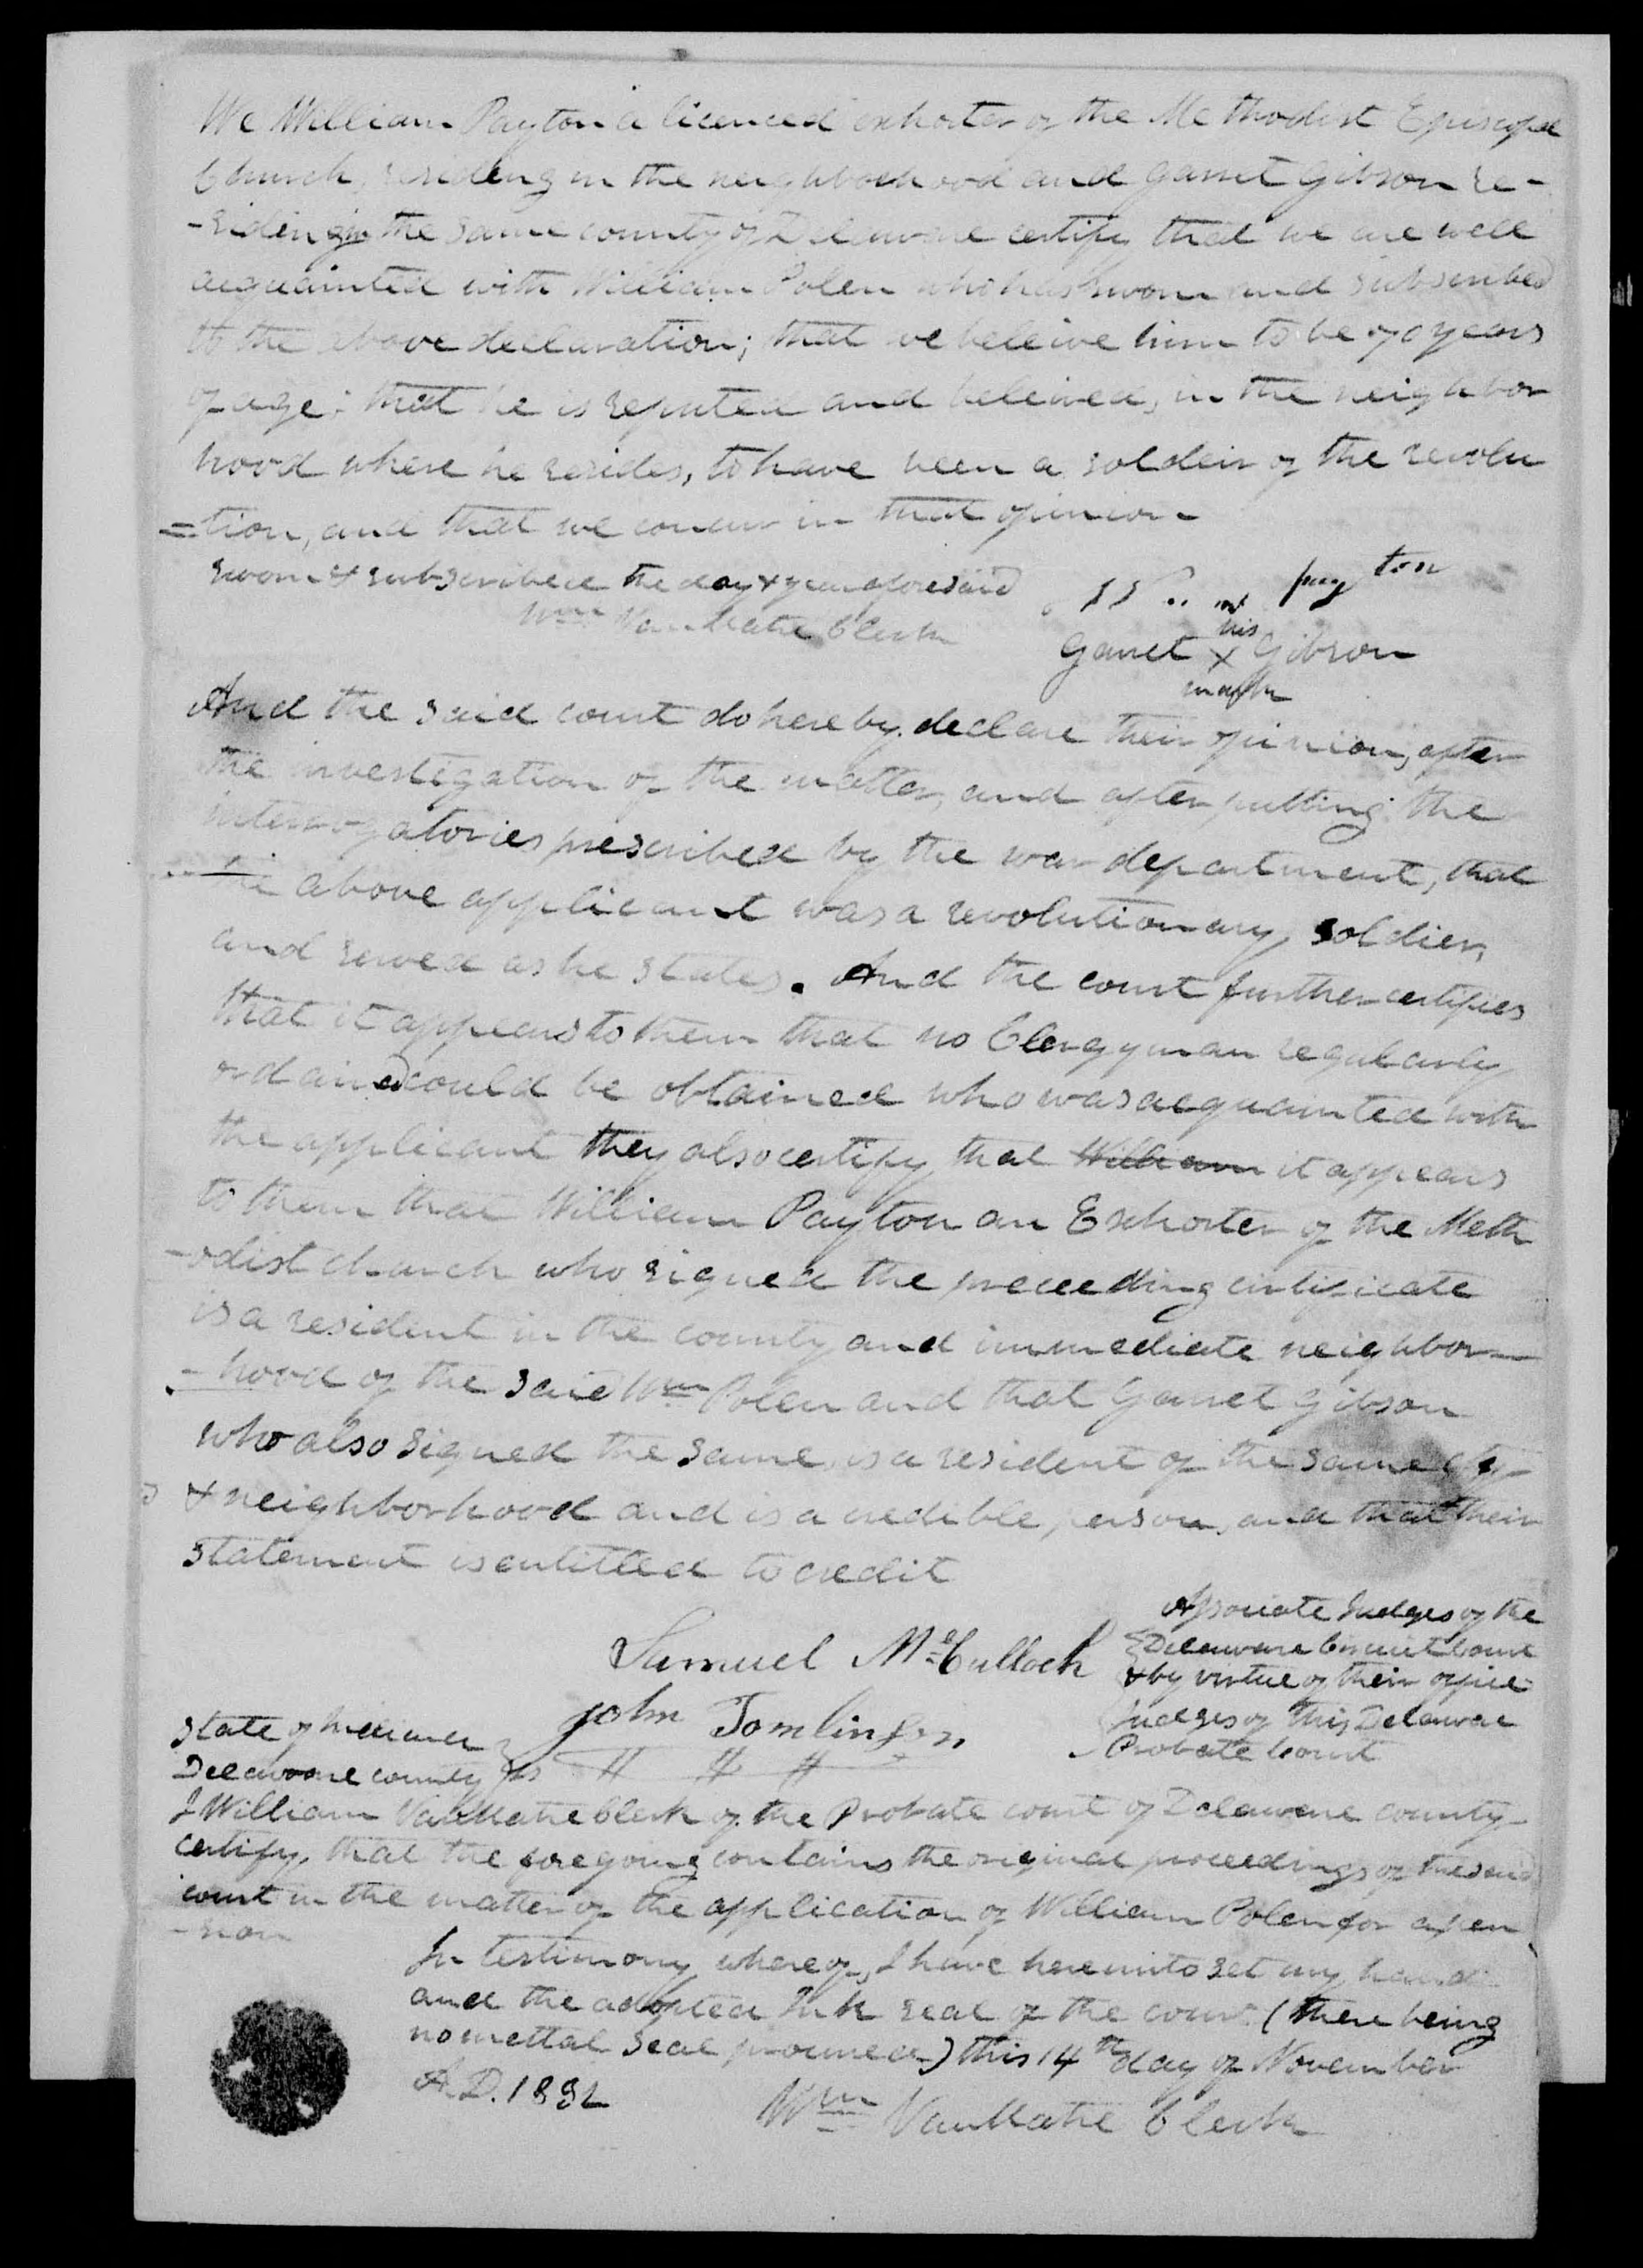We William Payton a licensed exhorter of the Methodist Episcopal Church residing in the neighborhood and Garret Gibson residing in the same county of Delaware certify that we are well acquainted with William Polen who has sworn and subscribed to the above declaration; that we believe him to be 70 years of age; that he is reputed and believed, in the neighborhood where he resides, to have been a soldier of the revolution, and that we concur in that opinion-
Sworn & subscribed the day & year aforesaid
Wm. Van Matre Clerk Wm. Payton
Garret Gibson x his mark

And the said court do hereby declare their opinion, after the investigation of the matter, and after putting the interrogatories prescribed by the war department, that the above applicant was a revolutionary soldier, and served as he states. And the court further certifies that it appears to them that no Clergyman regularly ordained could be obtained who was acquainted with the applicant they also certify that it appears to them that William Payton an Exhorter of the Methodist church who signed the preceding certificate is a resident in the county and immediate neighborhood of the said W. Polen and that Garret Gibson who also Signed the same, is a resident of the same Cty & neighborhood and is a credible person, and that their statement is entitled to credit
Samuel McCulloch Associate Judges of the
John Tomlinson Delaware Circuit Court & by virtue of their office Judges of this Delaware Probate Court

State of Indiana
Delaware county SS
I William Van Matre Clerk of the Probate court of Delaware county certify that the foregoing contains the original proceedings of the said court in the matter of the application of William Polen for a pension
In testimony whereof, I have hereunto set my hand and the adopted Ink seal of the court (there being no mettal seal procured) this 14th day of November A.D. 1832
Wm VanMatre Clerk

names: Wm Van Matre; William Payton; Garret Gibson; William Polen; John Tomlinson; Samuel Mc Culloch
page: 5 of 21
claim: survivor's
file: S. 32453, for William Polen, Virginia